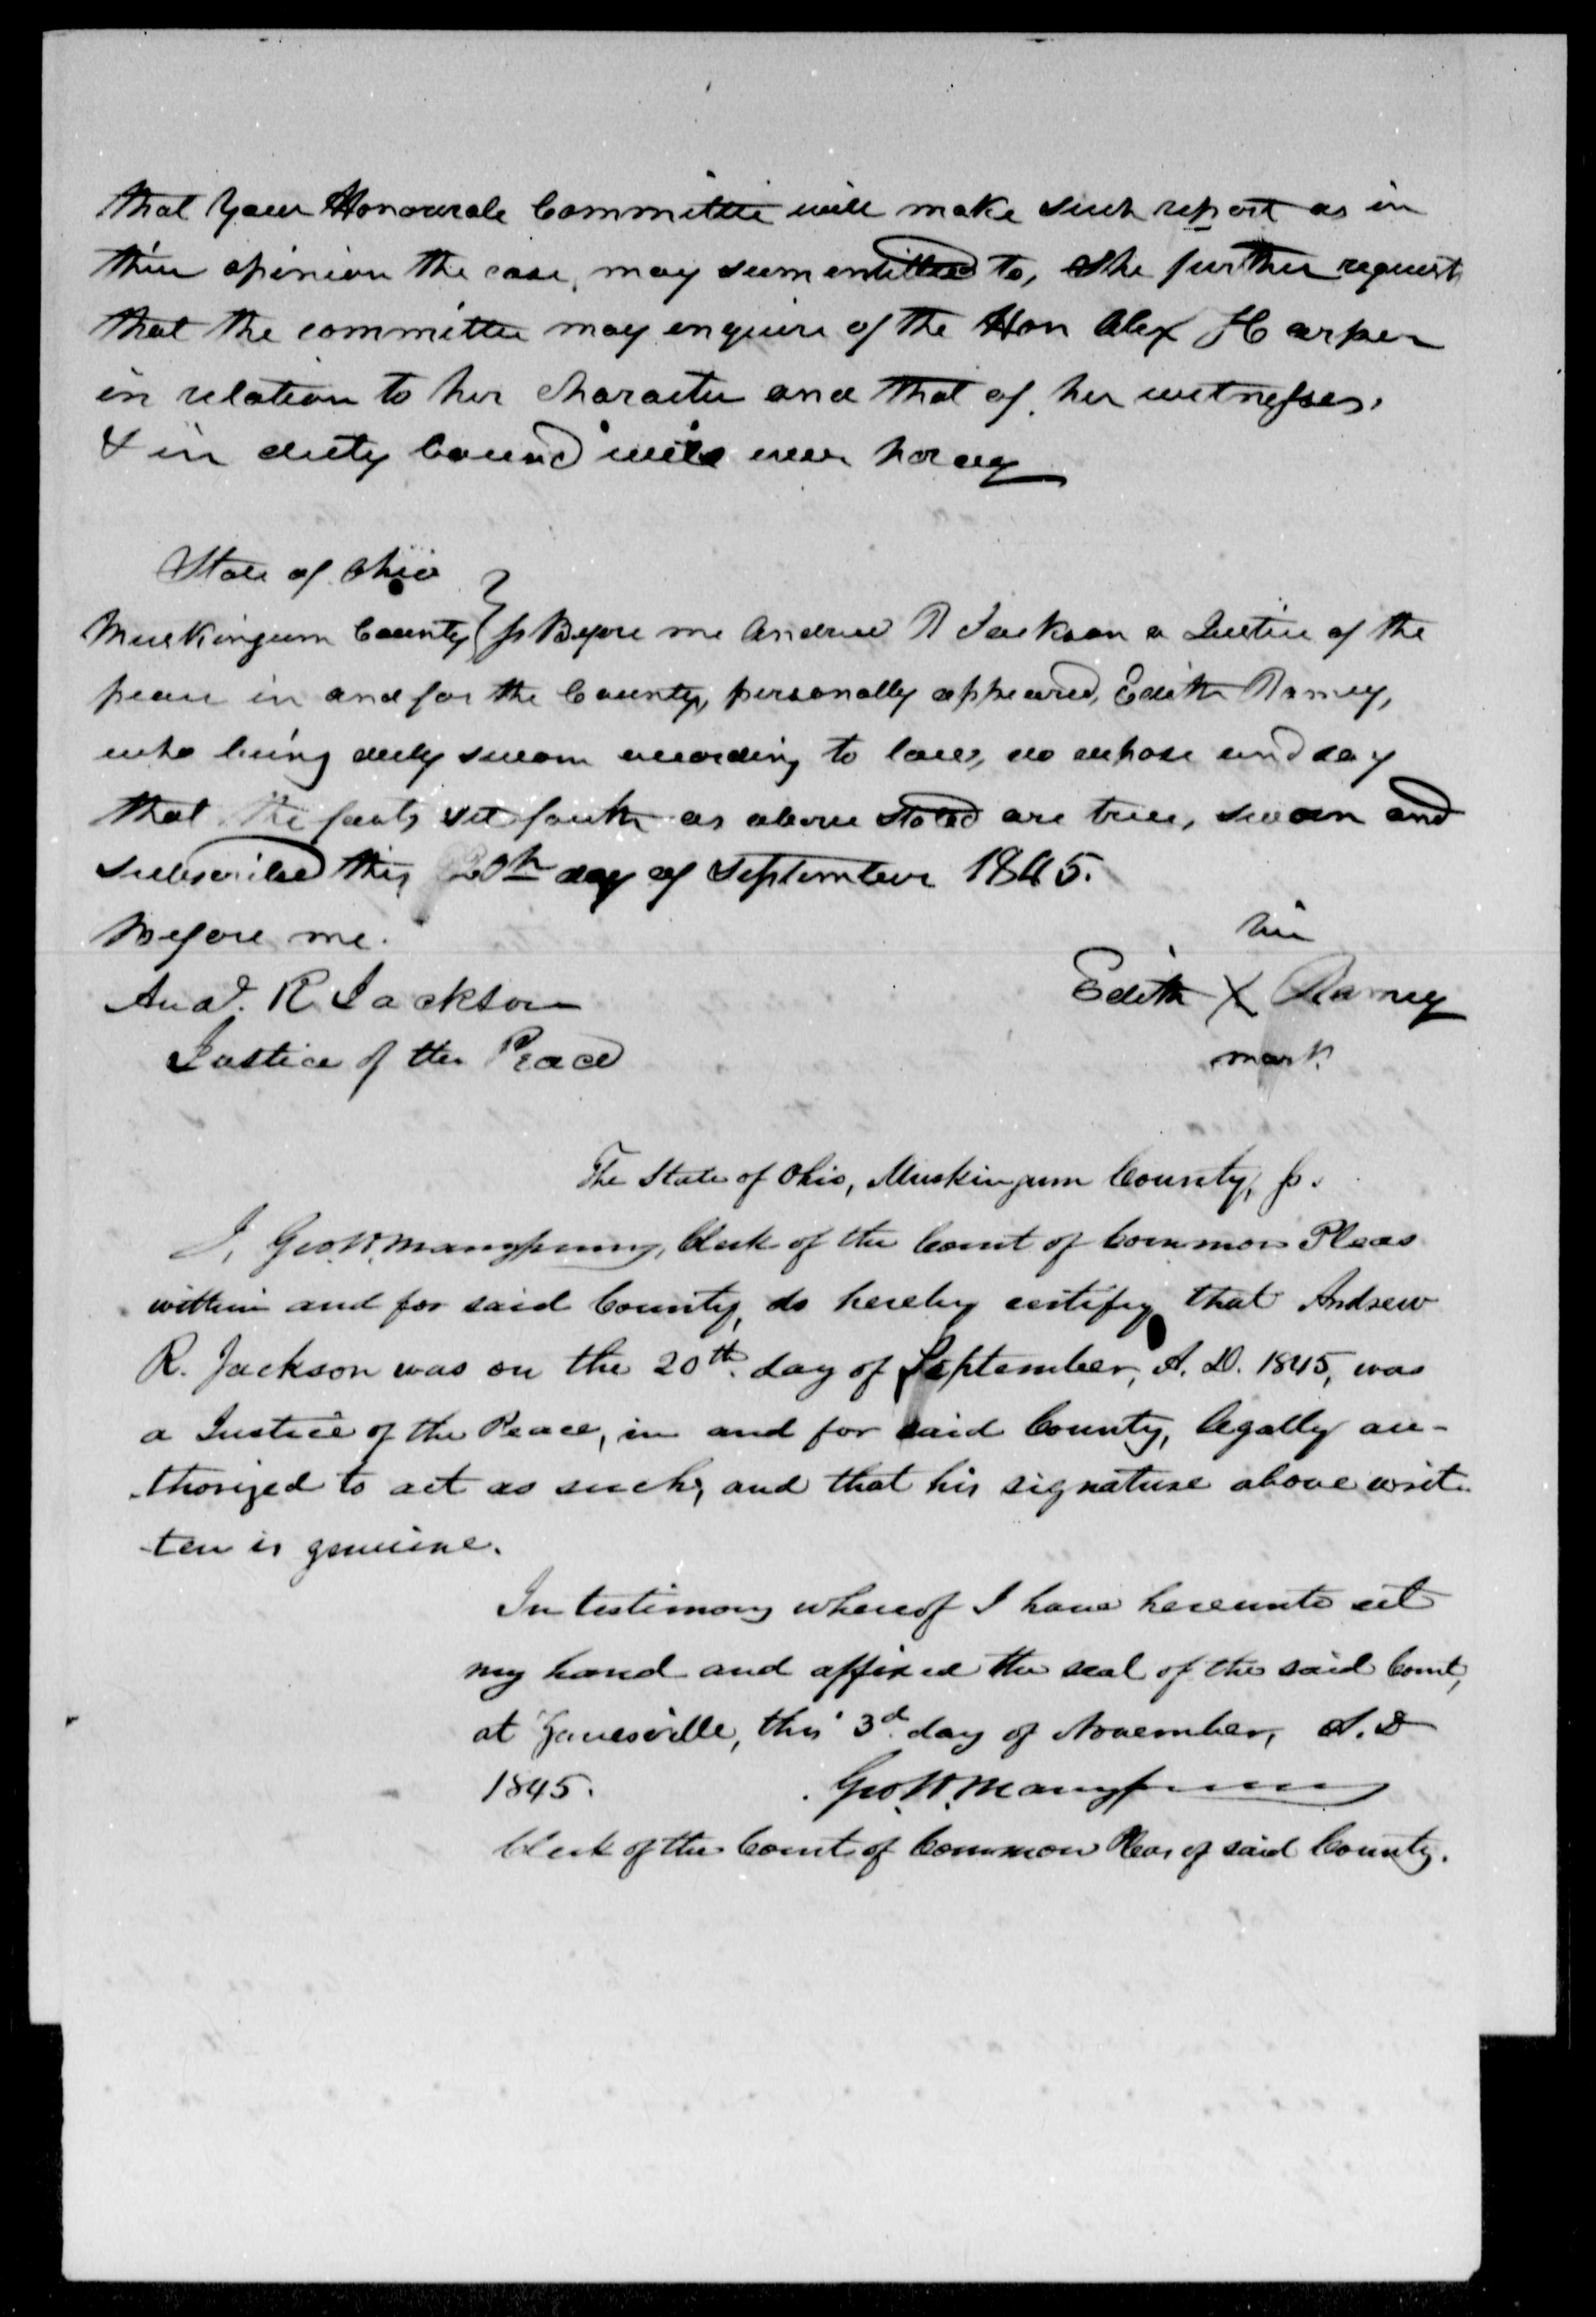that your Honorable Committee will make such report as in their opinion the case, may seem entitled to, she further requests that the committee may enquire of the Hon Alex Harper in relation to her character and that of her witnesses, & in duty bound will ever pray

State of Ohio
Muskingum County SS Before me Andrew R Jackson a Justice of the peace in and for the County, personally appeared, Edith Ramey, who being duly sworn according to law, do depose and say that the facts set forth as above stated are true, sworn and subscribed this --this day of September 1845.
Before me. Edith Ramey x her mark
And. R Jackson
Justice of the Peace

The State of Ohio, Muskingum County, SS.
I, Geo. W. Manypenny, Clerk of the Court of Common Pleas within and for said County, do hereby certify that Andrew R. Jackson was on the 20th day of September, A.D. 1845, was a Justice of the Peace, in and for said County, legally authorized to act as such; and that his signature above written is genuine.
In testimony whereof I have hereunto set my hand and affixed the seal of the said court, at Zanesville, this 3d day of November, A.D 1845. Geo. W. Manypenny
Clerk of the Court of Common Pleas of said County.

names: Alex Harper; Edith Ramey; Edith Ramey; Ande R Jackson; Andrew R Jackson; Geo W Manypenny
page: 82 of 84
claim: widow's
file: W.11104, for John Remay, Virginia